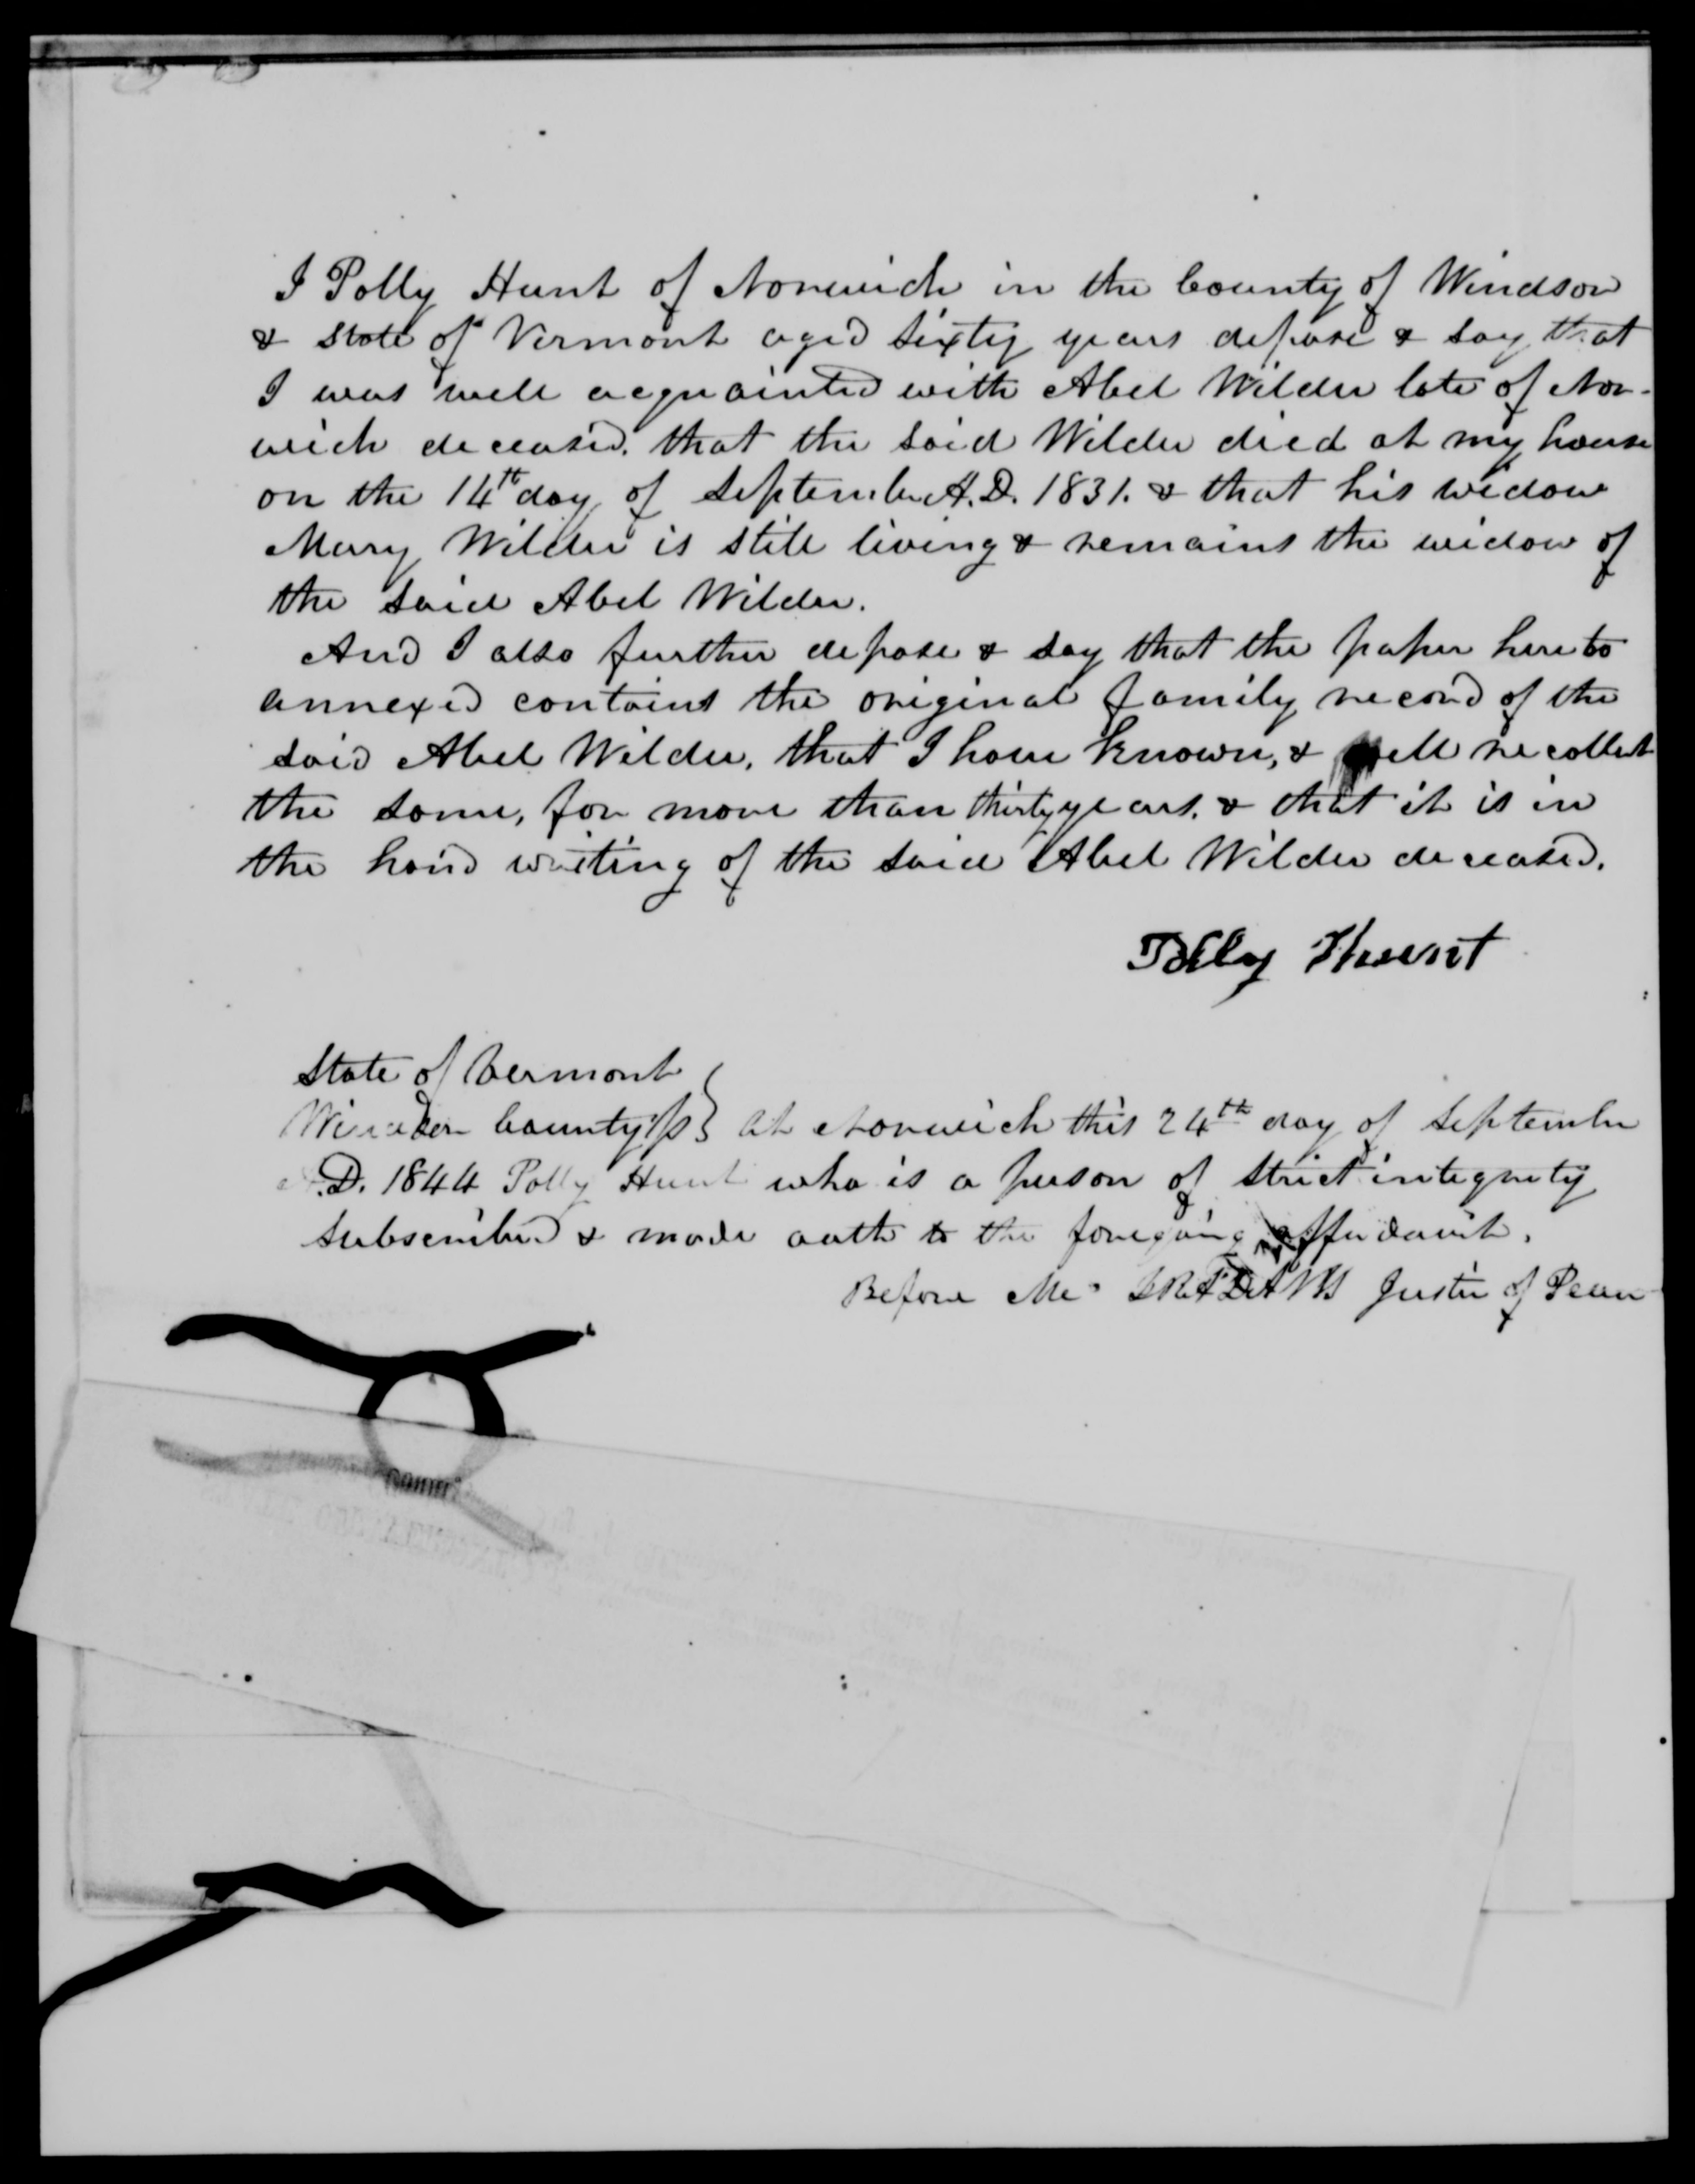I Polly Hunt of Norwich in the county of Windsor & state of Vermont aged sixty years depose and say that I was well acquainted with Abel Wilder late of Norwich deceased, that the said Wilder died at my house on the 14th day of September A.D. 1831 & that his widow Mary Wilder is still living & remains the widow of the said Abel Wilder. 
And I also further depose & say that the paper hereto annexed contains the original family record of this said Abel Wilder, that I have known & well recollect the same, for more than thirty years & that it is in the hand writing of the said Abel Wilder deceased. 
Polly Hunt

State of Vermont
Windsor County SS } At Norwich this 24th day of September A.D. 1844 Polly Hunt who is a person of strict integrity subscribed & made oath to the foregoing affidavit,
Before Me IRA DAVIS Justice of Peace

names: Abel Wilder, Polly Hunt, Ira Davis, Mary Wilder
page: 26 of 40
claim: widow's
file: W. 18,426, Abel Wilder, Mass. N.H. Vt.